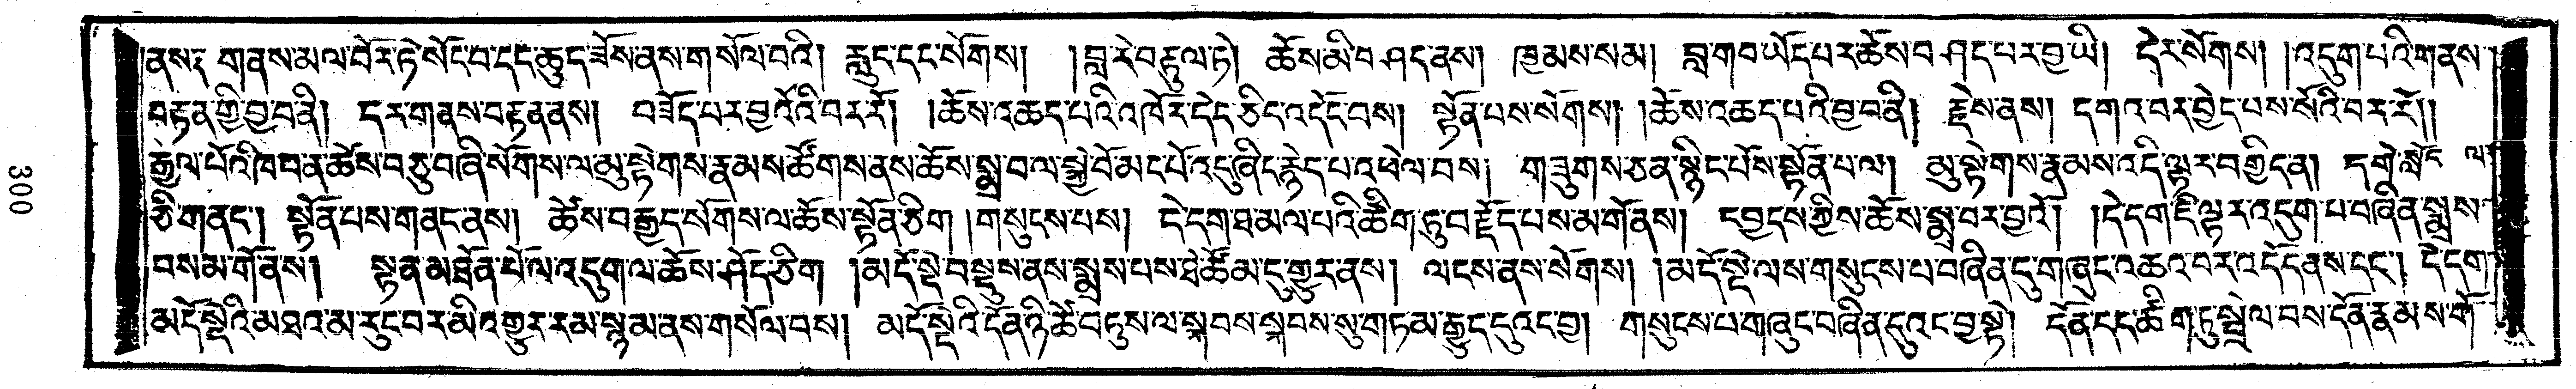ནས༑ གནས་མལ་བོར་ཏེ་སོང་བ་དང་ཆུད་ཟོས་ནས་གསོལ་བའི། རླུང་དང་སོགས། །བླ་རེ་བརྟུལ་ཏེ། ཆོས་མི་བཤད་ནས། ཁྱམས་སམ། བླ་གབ་ཡོད་པར་ཆོས་བཤད་པར་བྱ་ཡི། དེར་སོགས། །འདུག་པའི་གནས་
བརྟན་གྱི་བྱ་བ་ནི། དར་གནས་བརྟན་ནས། བཟོད་པར་བྱའོའི་བར་རོ། །ཆོས་འཆད་པའི་འཁོར་དེང་ཅིང་འདོང་བས། སྟོན་པས་སོགས་།ཆོས་འཆད་པའི་བྱ་བ་ནི། རྗེས་ནས། དགའ་བར་བྱེད་པས་སོའི་བར་རོ།།
རྒྱལ་པོའི་ཁབ་ན་ཚེས་བཅུ་བཞི་སོགས་ལ་མུ་སྟེགས་རྣམས་ཚོགས་ནས་ཆོས་སྨྲ་བ་ལ་སྐྱེ་བོ་མང་པོ་འདུ་ཞིང་རྙེད་པ་འཕེལ་བས། གཟུགས་ཅན་སྙིང་པོས་སྟོན་པ་ལ། མུ་སྟེགས་རྣམས་འདི་ལྟར་བགྱིད་ན། དགེ་སློང་ལ་
ཅི་གནང་། སྟོན་པས་གནང་ནས། ཚེས་བརྒྱད་སོགས་ལ་ཆོས་སྟོན་ཅིག །གསུངས་པས། དེ་དག་ཐ་མལ་པའི་ཚིག་ཏུ་བརྗོད་པས་མགོ་ནས། དབྱངས་ཀྱིས་ཆོས་སྨྲ་བར་བྱའོ། །དེ་དག་ཇི་ལྟར་འདུག་པ་བཞིན་སྨྲས་
བས་མ་གོ་ནས། སྟན་མཐོན་པོ་ལ་འདུག་ལ་ཆོས་ཤོད་ཅིག །མདོ་སྡེ་ཟྦྶྡུས་ནས་སྨྲས་པས་ཐེ་ཚོམ་དུ་གྱུར་ནས། ལངས་ནས་སོགས། །མདོ་སྡེ་ལས་གསུངས་པ་བཞིན་དུ་གཞུང་འཆའ་བར་འདོད་ནས་དང་། དེ་དག་
མདོ་སྡེའི་མཐའ་མ་རུང་བར་མི་འགྱུར་རམ་སྙམ་ནས་གསོལ་བས། མདོ་སྡེའི་དོན་ཉི་ཚེ་བཏུས་ལ་སྐབས་སྐབས་སུ་གཏམ་རྒྱུད་དུའང་བྱ། གསུངས་པ་གཞུང་བཞིན་དུའང་བྱ་སྟེ། དོན་དང་ཚིག་ཏུ་སྦྲེལ་བས་དོན་རྣམས་གོ་